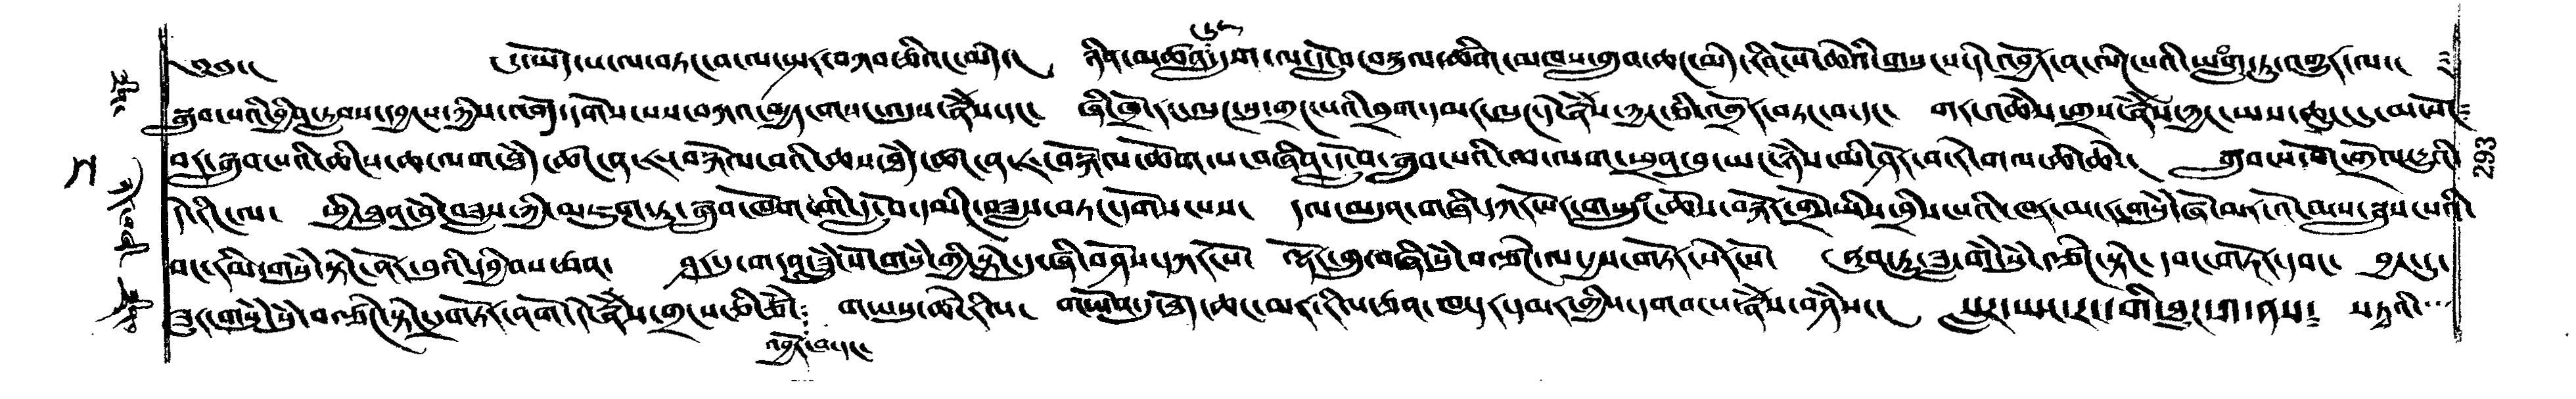དུ་ཡོད་ལ་གཏོང་བ་ལས་སྤར་དགབ་ཅིའང་མེད། ཉིན་མཚན་དུས་དྲུག་ལ་དངོས་གྲུབ་སྐུལ་ཚིག་མཁས་གྲུབ་ཆགས་མེད་རིན་པོ་ཆེའི་གསུང་དེ་འབྱོར་ན་ལེགས་པའི་ཡན་ལག་ཏུ་འགྱུར་ལ། 
སྒྲུབ་པའི་བྱིན་རླབས་དབྱངས་ཀྱིས་འབོད་དགོས་པས་བཀའ་བརྒྱད་གསང་འདུས་རྣམས་དང་། ཞི་ཁྲོ་རང་ལུགས་སུ་གྲགས་པའི་བྲག་དམར་ལུགས་དེ་རྣམས་ཀྱང་ཅི་འགྲོ་བཏང་བ་དང་། གར་འཆམ་གྲས་རྣམས་ཀྱང་སྣང་ཆུང་དུ་མ་སོང་
བར་སྒྲུབ་པའི་ཆིངས་ཆ་ལག་ཐམས་ཅད་ཚང་ན། ཇ་བསྐོལ་བའི་ཆས་ཐམས་ཅད་ཚང་ན་ཇ་བསྐོལ་ཆོག་པ་བཞིན། དངོས་གྲུབ་སྒྲུབ་པའི་ཆ་ལག་ཕྲན་བུ་ཡང་ཉམས་མི་ཤོར་བ་རེ་གལ་ཆེ་ཆེ། སྒྲུབ་པ་སོང་གྲོལ་རྒྱུའི་
དེ་རིང་ལ་ཕྱི་ཐུན་བུམ་བཟླས་ཀྱི་མཇུག་ཏུ་སྒྲུབ་ཁོག་གི་དངོས་གྲུབ་དམིགས་བཟླས་གཏོང་དགོས་པས། དལ་མདུན་གཞི་དཀར་པོར་གཡང་དྲུང་ཆོས་སྐོར་གྲོ་ཡིས་བྲིས་པའི་ཁར་མངར་གསུམ་ཞོ་མར་འོ་མས་སྦྲུས་པའི་
བང་རིམ་གསུམ་སྟེང་ནོར་བུའི་དབྱིབས་ཅན།ཤར་དུ་གདན་ཟླུམ་པོ་གསུམ་གྱི་སྟེང་དུ་ཞི་བཤོས་དཀར་པོ། ལྷོར་གྲུ་བཞི་གསུམ་བརྩེགས་ལ་རྒྱས་གཏོར་སེར་པོ། ནུབ་ཏུ་ཟླ་གམ་སུམ་བརྩེགས་དབང་གཏོར་དམར་པོ། བྱང་དུ་
ཟུར་གསུམ་སུམ་བརྩེགས་སྟེང་དྲག་གཏོར་ནག་པོ་དེ་རྣམས་གྲངས་ཅི་ཙམ་འབྱོར་བ་དང་། གཡས་སུ་ཚེ་རིལ། གཡོན་དུ་ཐོད་ཆང་མར་རིལ་ཅན་ཁ་དར་དམར་གྱིས་བཀབ་པ་རྣམས་བཤམ། སླར་ཡང་རང་གི་ཐུགས་ཀ་ནས༴ སཏྭ འི་